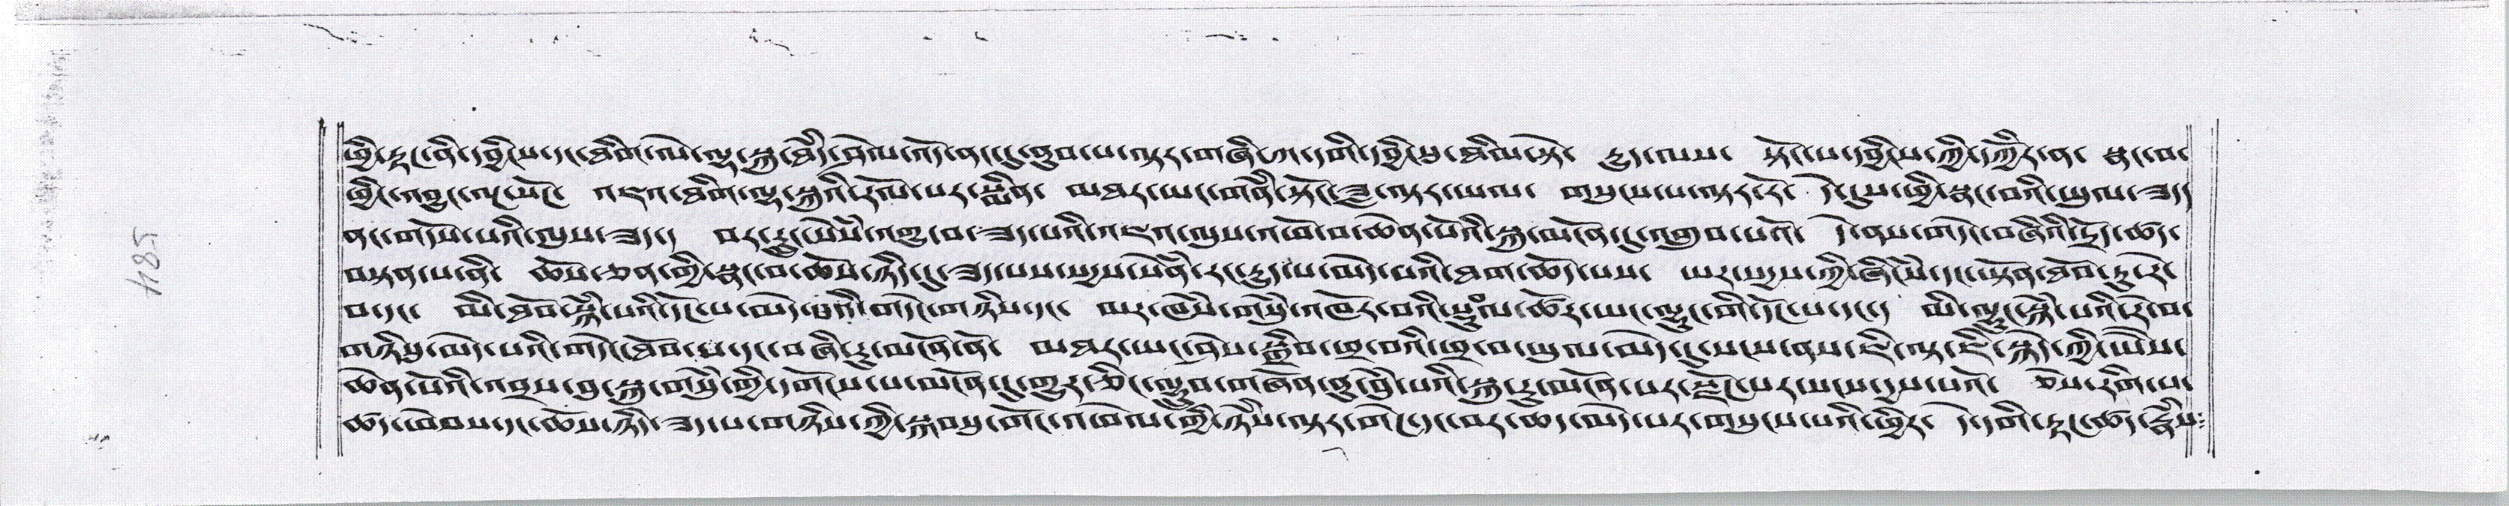ཕྱི་རྟགས་ནི་དབྱིངས་དང་ཐིག་ལེ་ལྷ་སྐུ་ཐམས་ཅད་ཤེལ་འོད་ནང་དུ་ནུབ་པ་ལྟར་གཞི་ཀ་དག་གི་དབྱིངས་སུ་ཐིམ་སྟེ། རྒྱུད་ལས། སྟོང་པ་དབྱིངས་ཀྱི་དཀྱིལ་འཁོར་ན། སྣང་
བ་ཕྱི་ནང་འབྱུང་ལྔ་སོགས། འཇའ་ཐིག་ལྷ་སྐུའི་རོལ་པར་སྨིན། མཐར་ཡང་གནམ་སྟོང་ཟླ་ལྟར་ཡལ། གསུངས་པ་ལྟར་རོ། དེ་དུས་ཕྱི་སྣང་བའི་ཡུལ་ཟད། 
ནང་གདོས་པའི་ལུས་ཟད། བར་རླུང་སེམས་འགྱུ་བ་ཟད་པའི་འཇའ་ལུས་འཕོ་བ་ཆེན་པོའི་སྐུ་མངོན་དུ་འགྲུབ་པའོ། དེ་ནས་གདེང་བཞིའི་དྲོད་ཚད་
བསྟན་པ་ནི། ཆོས་ཅན་གྱི་སྣང་བ་ཆོས་ཉིད་དུ་ཟད་པས་སངས་རྒྱས་སེམས་ཅན་རང་རྒྱུད་པ་མེད་པའི་ཐག་ཆོད་པས། ཡར་སངས་རྒྱས་ཀྱི་ཞིང་ཁམས་དང་ཡོན་ཏན་ཐོབ་ཏུ་རེ་
བ་དང་། མི་ཐོབ་སྙམ་པའི་དྭོགས་པ་མེད་པའི་གདེང་གཉིས་དང་། མར་ཁམས་གསུམ་འཁོར་བའི་སྡུག་བསྔལ་ཚོར་ཡང་ལྟུང་གི་དྭོགས་པ་དང་། མི་ལྟུང་སྙམ་པའི་རེ་བ་
གཉིས་སུ་མེད་པའི་གདེང་ཐོབ་པ་དང་བཞི་རུ་མངོན་ནོ། མཐར་ཡང་ཤེས་སྒྲིབ་ཕྲ་བའི་ཕྲ་བ་ཡུལ་མེད་དུ་སངས་ནས་ཇི་ལྟ་ཇི་སྙེད་ཀྱི་ཡེ་ཤེས་
ཆེན་པོའི་འབྲས་བུ་སྐུ་གསུམ་གྱི་དགོངས་པ་མངོན་དུ་གྱུར་ཅིང་ལྷུན་གྲུབ་གཞོན་ནུ་བུམ་པའི་སྐུ་རུ་མངོན་པར་རྫོགས་པར་སངས་རྒྱས་པའོ། །ཞེས་རིག་པ་
ཚད་ཕེབས་དང་ཆོས་ཉིད་ཟད་པ་གཉིས་ཀྱི་སྐབས་སུ་གོང་འཕེལ་གྱི་ཉམས་ལྟར་གེགས་དང་བར་ཆད་མེད་པར་གསུངས་པའི་ཕྱིར། དེ་དག་གི་རྟགས་ཚད་རྣམས་